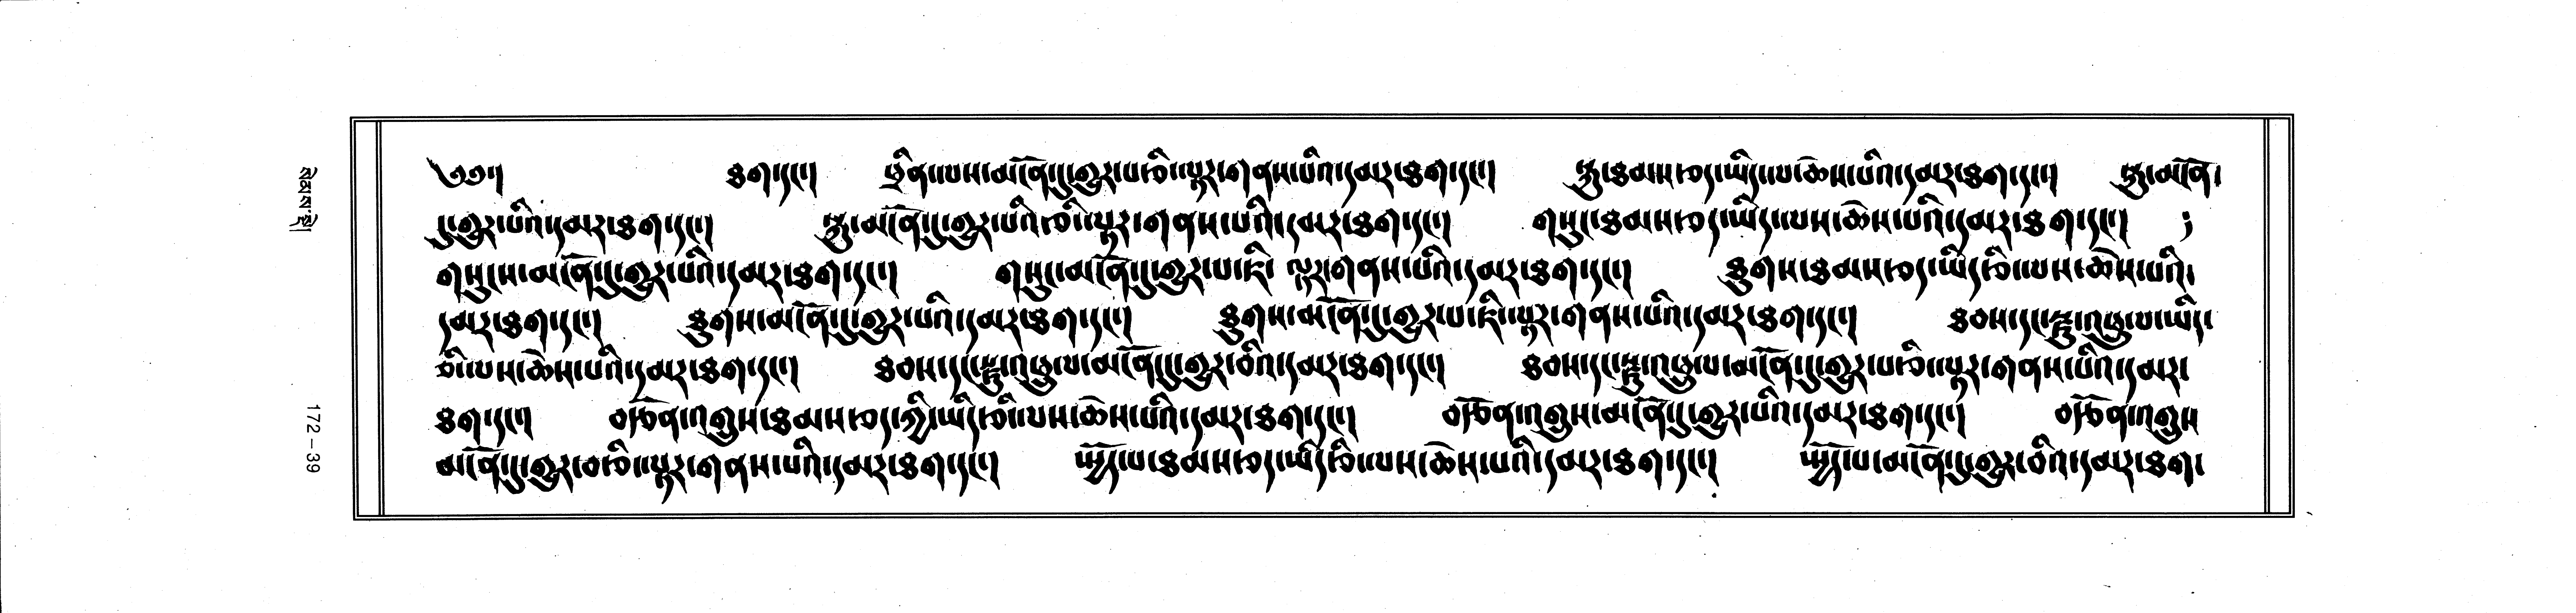ཐག་དང་། ཕྲིན་ལས་མངོན་དུ་གྱུར་པ་ཅི་ལྟར་གནས་པའི་དམར་ཐག་དང་། སྐུ་ཐམས་ཅད་ཡིད་ཅི་ལས་ཆེས་པའི་དམར་ཐག་དང་། སྐུ་མངོན་
དུ་གྱུར་པའི་དམར་ཐག་དང་། སྐུ་མངོན་དུ་གྱུར་པ་ཇི་ལྟར་གནས་པའི་དམར་ཐག་དང་། གསུང་ཐམས་ཅད་ཡིད་ལས་ཆེས་པའི་དམར་ཐག་དང་། 
གསུང་མངོན་དུ་གྱུར་པའི་དམར་ཐག་དང་། གསུང་མངོན་དུ་གྱུར་པ་ཇི་ལྟར་གནས་པའི་དམར་ཐག་དང་། ཐུགས་ཐམས་ཅད་ཡིད་ཅི་ལས་ཆེས་པའི་
དམར་ཐག་དང་། ཐུགས་མངོན་དུ་གྱུར་པའི་དམར་ཐག་དང་། ཐུགས་མངོན་དུ་གྱུར་པ་ཇི་ལྟར་གནས་པའི་དམར་ཐག་དང་། ཐབས་དང་རྫུ་འཕྲུལ་ཡིད་
ཅི་ལས་ཆེས་པའི་དམར་ཐག་དང་། ཐབས་དང་རྫུ་འཕྲུལ་མངོན་དུ་གྱུར་བའི་དམར་ཐག་དང་། ཐབས་དང་རྫུ་འཕྲུལ་མངོན་དུ་གྱུར་པ་ཅི་ལྟར་གནས་པའི་དམར་
ཐག་དང་། བརྩོན་འགྲུས་ཐམས་ཅད་ཀྱི་ཡིད་ཅི་ལས་ཆེས་པའི་དམར་ཐག་དང་། བརྩོན་འགྲུས་མངོན་དུ་གྱུར་པའི་དམར་ཐག་དང་། བརྩོན་འགྲུས་
མངོན་དུ་གྱུར་བ་ཅི་ལྟར་གནས་པའི་དམར་ཐག་དང་། སྤྱོད་པ་ཐམས་ཅད་ཡིད་ཅི་ལས་ཆེས་པའི་དམར་ཐག་དང་། སྤྱོད་པ་མངོན་དུ་གྱུར་བའི་དམར་ཐག་